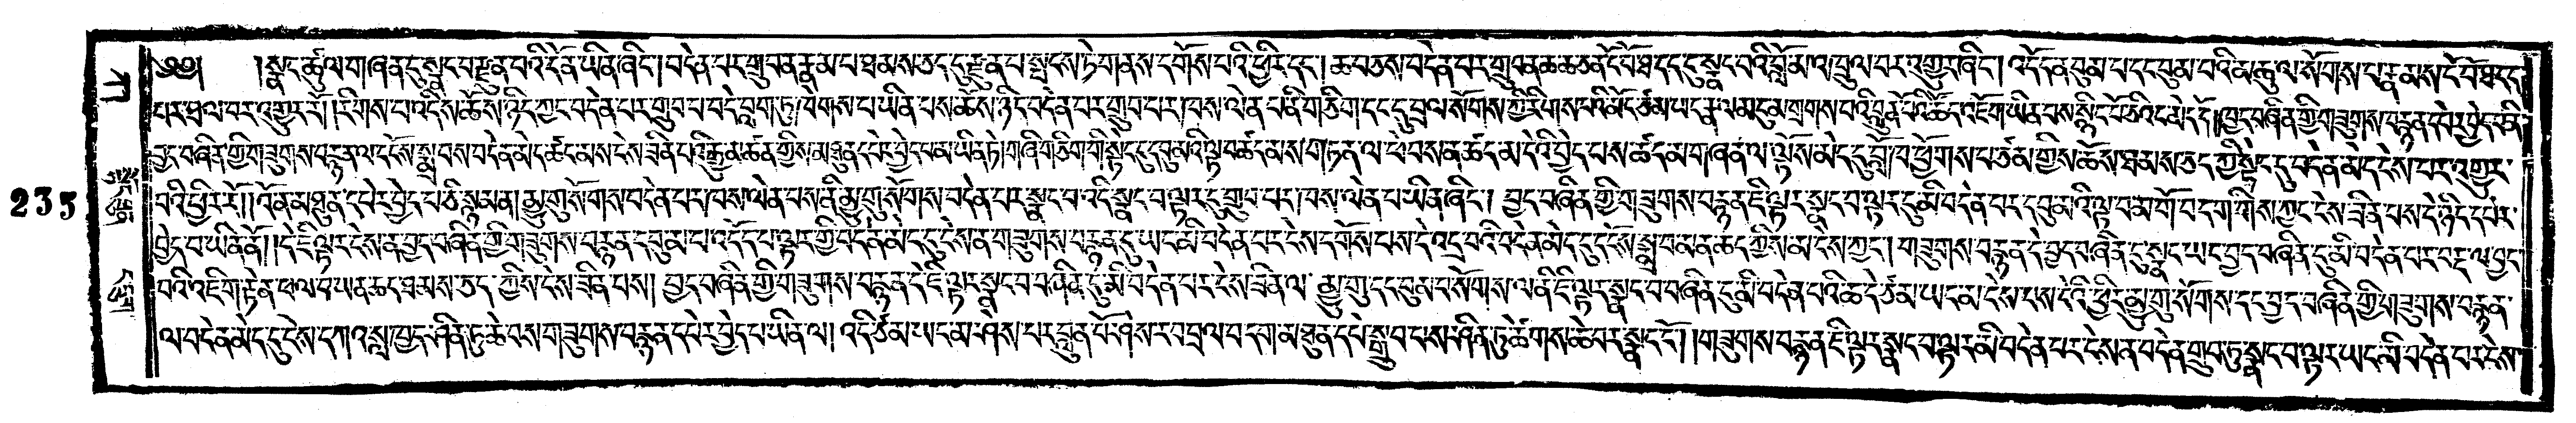༄༅། །སྣང་ཚུལ་གཞན་དུ་སྣང་བརྫུན་པའི་དོན་ཡིན་ཞིང་། བདེན་པར་གྲུབ་ན་རྣམ་པ་ཐམས་ཅད་དུ་རྫུན་པ་སྤངས་ཏེ་གནས་དགོས་པའི་ཕྱིར་དང་། ཆ་བཅས་བདེན་པར་གྲུབ་ན་ཆ་ཆ་ཅན་ངོ་བོ་ཐ་དད་དུ་སྣང་བའི་བློ་མ་འཁྲུལ་བར་འགྱུར་ཞིང་། འདོད་ན་བུམ་པ་དང་བུམ་པའི་མཆུ་ལ་སོགས་པ་རྣམས་ངོ་བོ་ཐ་དད་
པར་ཐལ་བར་འགྱུར་རོ། །རིགས་པ་འདིས་ཆོས་ཉིད་ཀྱང་བདེན་པར་གྲུབ་པ་བདེ་བླག་ཏུ་ཁེགས་པ་ཡིན་པས་ཆོས་ཉིད་བདེན་པར་གྲུབ་པར་ཁས་ལེན་པ་ནི་གཅིག་དང་དུ་བྲལ་སོགས་ཀྱི་རིགས་པའི་མོང་ཙམ་ཡང་རྣ་ལམ་དུ་མ་གྲགས་པའི་བླུན་པོའི་ཚོད་འཇོག་ཡིན་བས་སྙིང་པོ་ཅིའང་མེད་དོ། །ཁྱད་བཞིན་གྱི་གཟུགས་བརྙན་དཔེར་བྱེད་བ་ནི་
བྱད་བཞིན་གྱི་གཟུགས་བརྙན་ལ་དངོས་སྨྲ་བས་བདེན་མེད་ཚང་མས་ངེས་ཟིན་པའི་རྒྱུ་མཚན་གྱིས་མཐུན་དཔེར་བྱེད་པ་མ་ཡིན་ཏེ། གཞི་གཅིག་གི་སྟེང་དུ་དབུ་མའི་ལྟ་བ་ཚད་མས་གཏན་ལ་ཕེབས་ན་ཚད་མ་དེའི་བྱེད་པས་ཚད་མ་གཞན་ལ་ལྟོས་མེད་དུ་བློ་ཁ་ཕྱོགས་པ་ཙམ་གྱིས་ཆོས་ཐམས་ཅད་ཀྱི་སྟེང་དུ་བདེན་མེད་ངེས་པར་འགྱུར་
བའི་ཕྱིར་རོ། །འོ་ན་མཐུན་དཔེར་བྱེད་པ་ཅི་སྙམ་ན། མྱུ་གུ་སོགས་བདེན་པར་ཁས་ལེན་པས་ནི་མྱུ་གུ་སོགས་བདེན་པར་སྣང་བ་འདི་སྣང་བ་ལྟར་དུ་གྲུབ་པར་ཁས་ལེན་པ་ཡིན་ཞིང་། བྱང་བཞིན་གྱི་གཟུགས་བརྙན་ཇི་ལྟར་སྣང་བ་ལྟར་དུ་མི་བདེན་བར་དབུ་མའི་ལྟ་བ་མ་གོ་བདག་གིས་ཀྱང་ངེས་ཟིན་པས་དེ་ཉིད་དཔེར་
བྱེད་པ་ཡིན་ནོ། །དེ་ཇི་ལྟར་ངེས་ན་བྱད་བཞིན་གྱི་གཟུགས་བརྙན་དབུ་མ་པ་འདོད་པ་ལྟར་གྱི་བདེན་མེད་དུ་ངེས་ན་གཟུགས་བརྙན་དུ་ཡང་མི་བདེན་པར་ངེས་དགོས་པས་དེ་འདྲ་བའི་བདེན་མེད་དུ་དངོས་སྨྲ་བ་མན་ཆད་ཀྱིས་མ་ངེས་ཀྱང་། གཟུགས་བརྙན་དེ་བྱད་བཞིན་དུ་སྣང་ཡང་བྱད་བཞིན་དུ་མི་བདེན་པར་བརྡ་ལ་བྱང་
བའི་འཇིག་རྟེན་ཕལ་བ་ཡན་ཆད་ཐམས་ཅད་ཀྱིས་ངེས་ཟིན་པས། བྱད་བཞིན་གྱི་གཟུགས་བརྙན་དེ་ཇི་ལྟར་སྣང་བ་བཞིན་དུ་མི་བདེན་པར་ངེས་ཟིན་ལ། མྱུ་གུ་དང་བུམ་པ་སོགས་ལ་ནི་ཇི་ལྟར་སྣང་བ་བཞིན་དུ་མི་བདེན་པའི་ཆ་དེ་ཙམ་ཡང་མ་ངེས་པས་དེའི་ཕྱིར་མྱུ་གུ་སོགས་དང་བྱད་བཞིན་གྱི་གཟུགས་བརྙན་
ལ་བདེན་མེད་དུ་ངེས་དཀའ་སླ་ཁྱད་ཤིན་ཏུ་ཆེ་བས་གཟུགས་བརྙན་དཔེར་བྱེད་པ་ཡིན་ལ། འདི་ཙམ་ཡང་མ་ཤེས་པར་བླུན་པོ་ཤེས་རབ་བྲལ་བདག་མཐུན་དཔེ་སྒྲུབ་པས་ཤིན་ཏུ་ཚེགས་ཆེ་བར་སྣང་ངོ། །གཟུགས་བརྙན་ཇི་ལྟར་སྣང་བ་ལྟར་མི་བདེན་པར་ངེས་ན་བདེན་གྲུབ་ཏུ་སྣང་བ་ལྟར་ཡང་མི་བདེན་པར་ངེས་